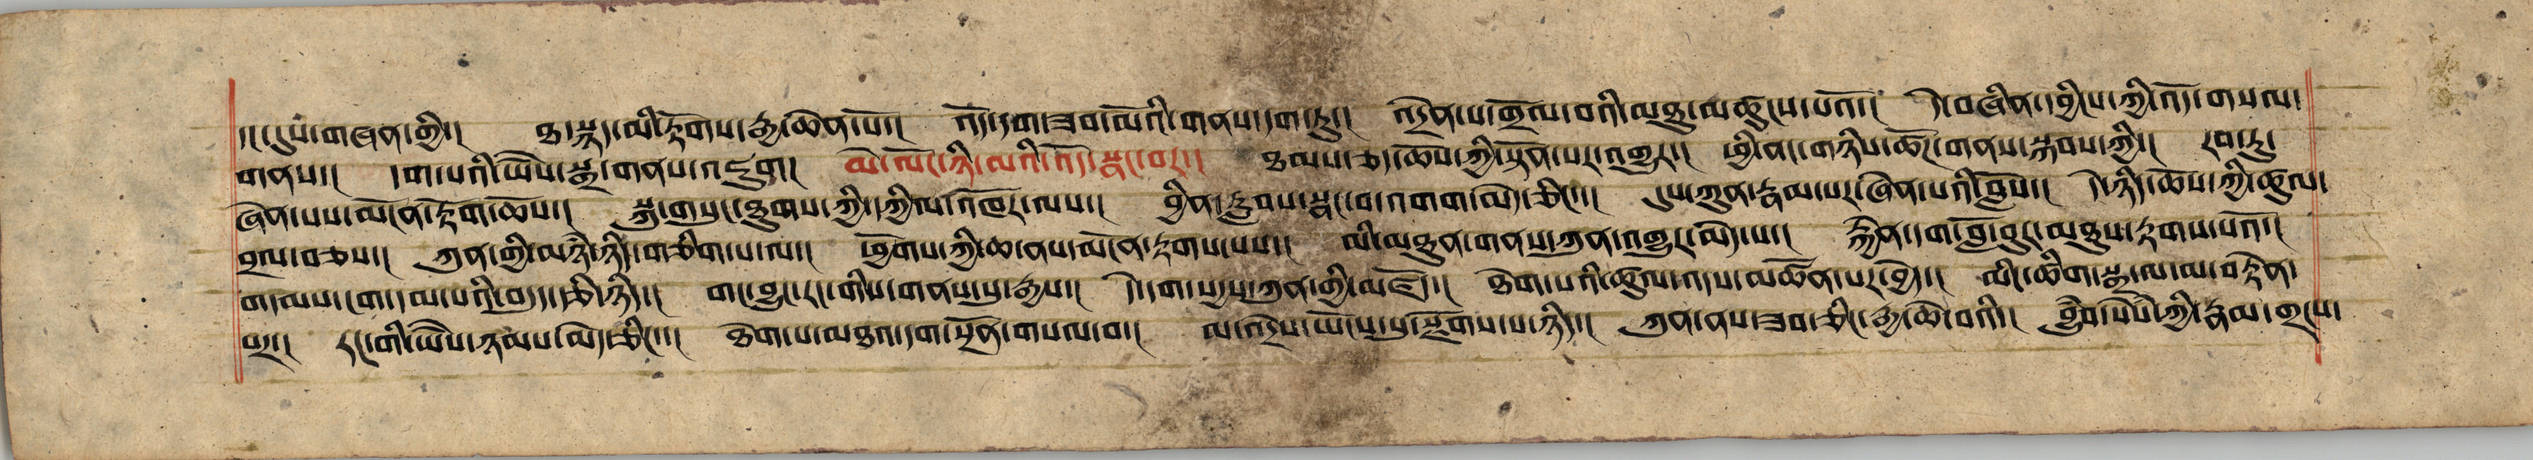དང་དུས་གཞན་གྱི་། ཐ་སྙད་མི་རྟོགས་རྒྱ་ཆེན་པོ་། འོད་དག་ཟབ་མོའི་གནས་དག་ཏུ་། འདྲེན་པ་གྲོལ་བའི་མཐུ་མཚུངས་པའོ་། དེ་བཞིན་དབྱིངས་ཀྱི་འོད་གསལ་
གནས་། དག་པའི་ཡཻས་སྒྲ་གནས་འཇུག། མེ་ལོང་ཉི་མའི་འོད་སྣང་བར་། ཐམས་ཅད་ཆོས་ཀྱི་སྟོན་པར་འགྱུར་། ཕྱི་ནང་གཉིས་ཚོཌ་གནས་སྐབས་ཀྱི་། རབ་ཏུ་
ཞེན་པས་མངོན་རྟོག་ཆོས་། སྐུ་གསུང་ཐུགས་ཀྱི་དཀྱིལ་འཁོར་ལས་། བྱིན་རླབས་སྣང་བ་འགག་མེད་ཅིང་་། དུས་ཀུན་རྣམ་པར་ཞེན་པའི་བློས་། དེ་ཉིད་ཆོས་ཀྱི་ཚུལ་
བྲལ་བཅས་། ཀུན་གྱི་མཉཾ་ཉིད་གཅིག་པ་ལ་། ཕྱོགས་ཀྱི་ཆ་ནས་མངོན་རྟགས་པའི་། མི་མཐུན་གནས་ཀུན་འགྱུར་མེད་པ་། རྐྱེན་དག་བློ་བུར་མཐུས་རྟགས་པའོ་།
གདམས་ངག་དམ་པའི་བདུད་རྩི་ཉིད་། གང་བྱུང་རང་གིས་གནས་སུ་རྒྱས་། དེ་དག་སདྱས་ཀུན་གྱི་མཛོད་། ཐེག་པའི་ཚུལ་འདས་མཚོན་པར་བྱེད་། མིང་ཚིག་སྒྲ་ལ་མ་བརྟེན་
བར་། རང་གི་ཡཻས་ཉམས་མེད་ཅིང་་། ཐེག་པ་མཐའ་དག་སྔོན་གསལ་བ་། མ་འདྲེས་ཡོངས་སུ་སྫོགས་པ་ཉིད། ཀུན་ནས་ཟབ་ཅིང་རྒྱ་ཆེ་བའི་། བྱུཾབ་སེཾས་ཀྱི་རྣམ་གྲངས་